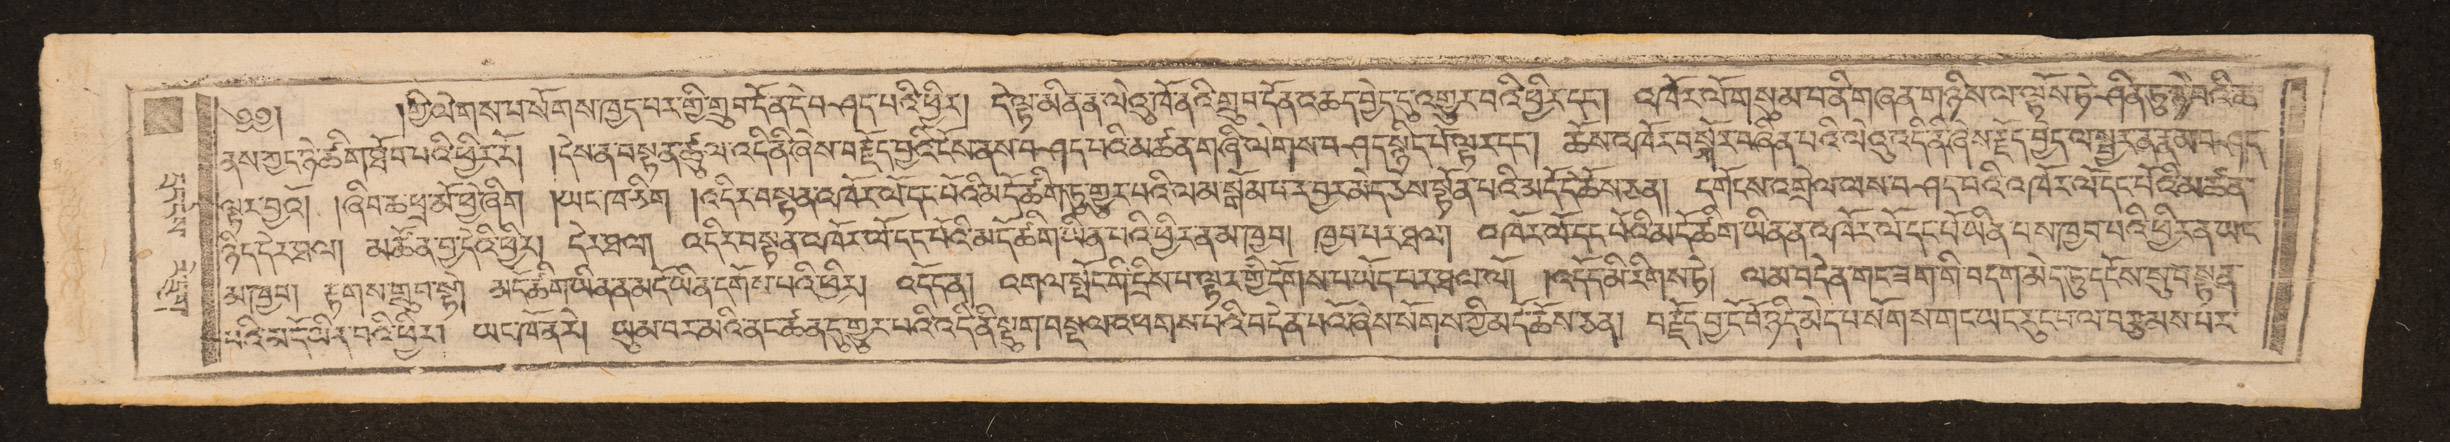༄༅། །གྱི་ལེགས་པ་སོགས་ཁྱད་པར་གྱི་གྲུབ་དོན་དེ་བཤད་པའི་ཕྱིར། དེ་ལྟ་མིན་ན་ལེའུ་ཁོ་ནའི་གྲུབ་དོན་འཆད་བྱེད་དུ་འགྱུར་བའི་ཕྱིར་དང་། འཁོར་ལོ་གསུམ་པ་ནི་གཞན་གཉིས་ལ་ལྟོས་ཏེ་ཤིན་ཏུ་ཉེ་བའི་ཆ་
ནས་ཀྱང་ཉེ་ཚིག་ཐོབ་པའི་ཕྱིར་རོ། །དེས་ན་བསྟན་ཚུལ་འདི་ནི་ཞེས་བརྗོད་བྱའི་ངོས་ནས་བཤད་པའི་མཚན་གཞི་ལེགས་བཤད་སྙིང་པོ་ལྟར་དང་། ཆོས་འཁོར་བསྐོར་བཞིན་པའི་ལེའུ་འདི་ནི་ཞེས་རྗོད་བྱེད་ལ་སྦྱར་ན་རྣམ་བཤད་
ལྟར་བྱའོ། །ཞིབ་ཆ་ཕྲ་མོ་ཕྱེ་ཞིག །ཡང་ཁ་ཅིག །འདིར་བསྟན་འཁོར་ལོ་དང་པོའི་མདོ་ཚིག་ཏུ་གྱུར་པའི་ལམ་སྒོམ་པར་བྱར་མེད་ཅེས་སྟོན་པའི་མདོ་དེ་ཆོས་ཅན། དགོངས་འགྲེལ་ལས་བཤད་པའི་འཁོར་ལོ་དང་པོའི་མཚན་
ཉིད་དེར་ཐལ། མཚོན་བྱ་དེའི་ཕྱིར། དེར་ཐལ། འདིར་བསྟན་འཁོར་ལོ་དང་པོའི་མདོ་ཚིག་ཡིན་པའི་ཕྱིར་ན་མ་ཁྱབ། ཁྱབ་པར་ཐལ། འཁོར་ལོ་དང་པོའི་མདོ་ཚིག་ཡིན་ན་འཁོར་ལོ་དང་པོ་ཡིན་པས་ཁྱབ་པའི་ཕྱིར་ན་ཡང་
མ་ཁྱབ། རྟགས་གྲུབ་སྟེ། མདོ་ཚིག་ཡིན་ན་མདོ་ཡིན་དགོས་པའི་ཕྱིར། འདོད་ན། འགལ་སྤོང་གི་དྲིས་པ་ལྟར་གྱི་དོགས་པ་ཡོད་པར་ཐལ་ལོ། །འདོད་མི་རིགས་ཏེ། ལམ་བདེན་གང་ཟག་གི་བདག་མེད་ཏུ་དངོས་སུ་བསྟན་
པའི་མདོ་ཡིན་པའི་ཕྱིར། ཡང་ཁོ་ན་རེ། ཡུམ་བར་མའི་ནང་ཚན་དུ་གྱུར་པའི་འདི་ནི་སྡུག་བསྔལ་འཕགས་པའི་བདེན་པའོ་ཞེས་སོགས་ཀྱི་མདོ་ཆོས་ཅན། བརྗོད་བྱ་ངོ་བོ་ཉིད་མེད་པ་སོགས་གང་ཡང་རུང་བ་ལ་བརྩམས་པར་